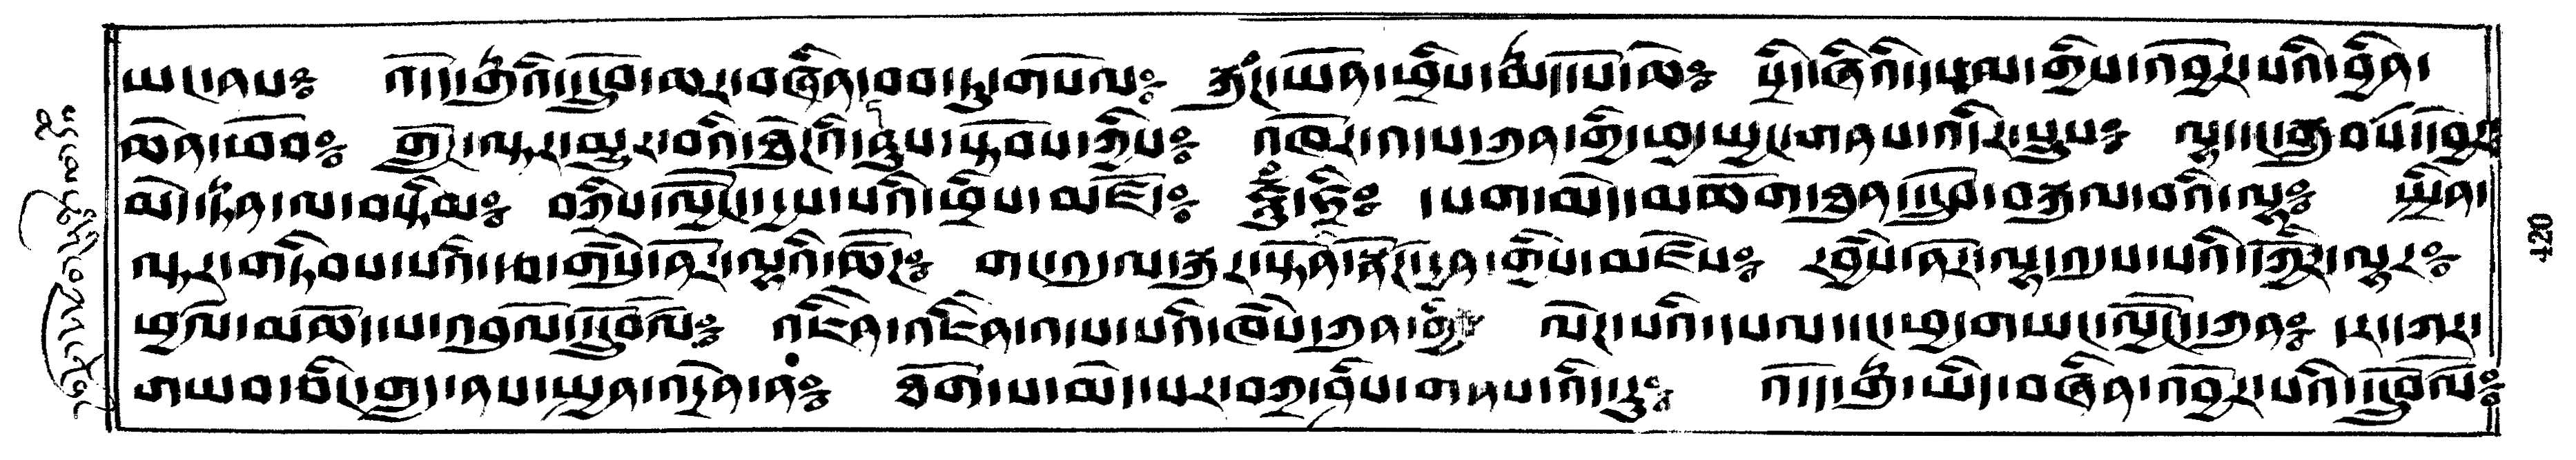ཡངས་ནས༔ འདོད་རྒུའི་དངོས་གྲུབ་ཆར་བཞིན་དབབ་ཏུ་གསོལ༔ སྐུ་གསུང་ཐུགས་ཡོན་ཏན་ཕྲིན་ལས་རྨད་པོ་ཆེ༔ སྲིད་ཞིའི་དཔལ་གྱིས་འབྱོར་པའི་བྱིན་
ཆེན་ཕོབ༔ གློག་ལྟར་མྱུར་བའི་ཐུགས་རྗེའི་ནུས་སྟོབས་ཀྱིས༔ འཁོར་འདས་ཀུན་གྱི་ཕྱ་གཡང་གནས་འདིར་སྡུས༔ ལྷ་དང་སྒྲུབ་རྫས་དབྱེར་
མེད་རྟེན་ལ་བསྟིམ༔ བཀྲ་ཤིས་ལོངས་སྤྱོད་རྒྱས་པའི་ཕྲིན་ལས་མཛོད༔ ཧཱུྃ་ཧྲཱི༔ དཔག་མེད་མཆོག་ཐུན་དངོས་གྲུབ་བསྐུལ་བའི་ལྷ༔ སྤྲིན་
ལྟར་གཏིབས་པའི་རྩ་གསུམ་ནོར་ལྷའི་ཚོགས༔ གང་འདུལ་སྐུར་སྟོན་སྣ་ཚོགས་རྒྱན་གྱིས་མཛེས༔ རབ་འབྱམས་ནོར་ལྷ་འདུས་པའི་དཀྱིལ་འཁོར་ལྷར༔
ཕྱག་འཚལ་མཆོད་པ་འབུལ་ལོ་དངོས་གྲུབ་སྩོལ༔ འཇིག་རྟེན་འཇིག་རྟེན་འདས་པའི་ཁམས་ཀུན་ཀྱི༔ ལེགས་པའི་དཔལ་དང་ཕྱ་གཡང་ལོངས་སྤྱོད་ཀུན༔ དར་དཀར་
གཡབ་ཅིང་ཀླང་ནས་སྤྱན་འདྲེན་ན༔ ཐོགས་པ་མེད་པར་བཀྲ་ཤིས་གནས་འདི་རུ༔ འདོད་རྒུ་ཡིད་བཞིན་འབྱོར་པའི་དངོས་གྲུབ་སྩོལ༔